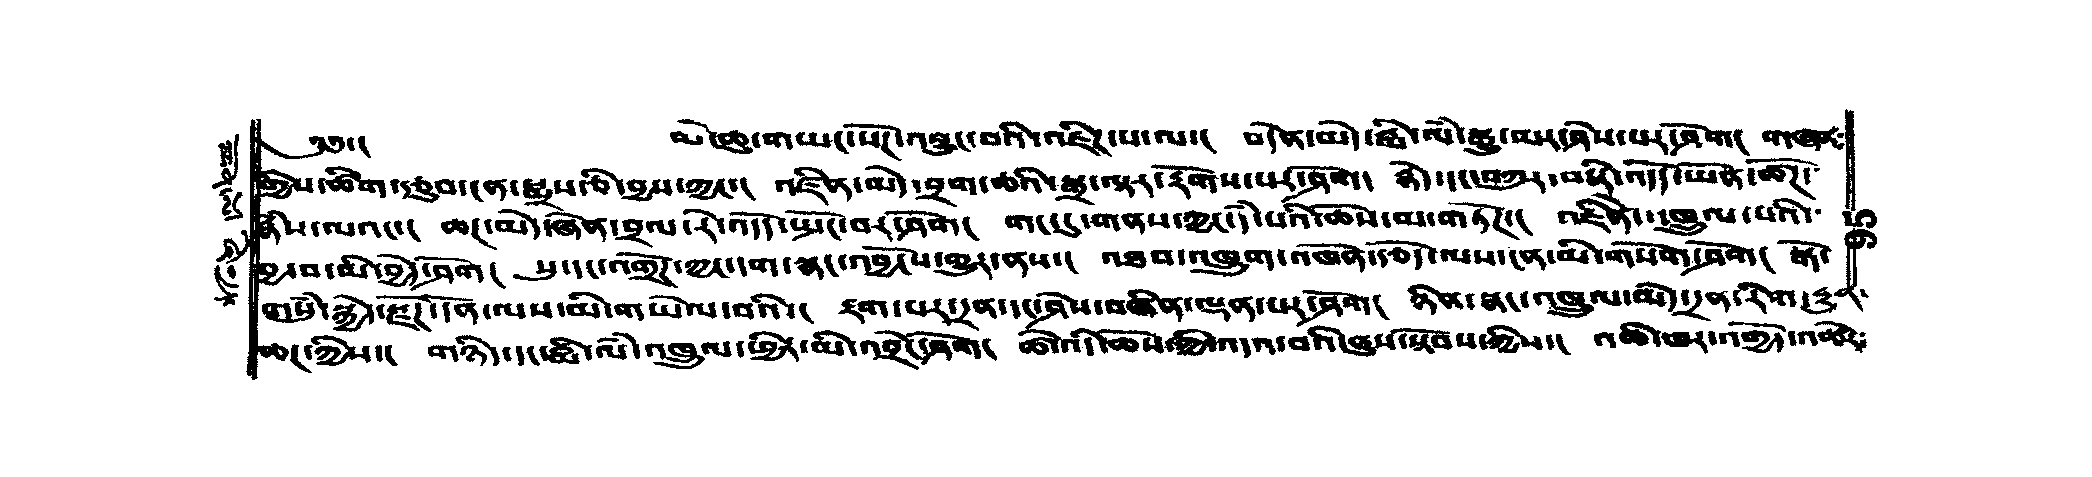།མེ་ཆུ་གཡང་སོགས་འབྱུང་བའི་འཇིགས་པ་ལ། །བདེན་མེད་རྨི་ལམ་སྒྱུ་མར་ཤེས་པར་ཤོག །གཞན་
གྱི་ཚིག་རྩུབ་ངན་སྨྲས་ཅི་བྱས་ཀྱང་། །འཛིན་མེད་བྲག་ཆའི་སྒྲ་ལྟར་རྟོགས་པར་ཤོག །རྙེད་དང་བཀུར་བསྟི་འདོད་ཡོན་ཚོགས་
རྣམས་ལའང་། །ཆགས་མེད་ཞེན་བྲལ་རེ་འདོད་སྤོང་བར་ཤོག།གང་དུ་གནས་ཀྱང་དམ་པའི་ཆོས་མ་གཏོགས། །འཇིག་རྟེན་འཁྲུལ་པའི་
བྱ་བ་མི་བྱེད་ཤོག །སུ་དང་འགྲོགས་ཀྱང་དག་སྣང་འབྱོངས་གྱུར་ནས། །འཐབ་འཁྲུག་འཁོན་རྩོད་ལས་ངན་མི་གསོག་ཤོག །སྒོ་
གསུམ་བསྐྱེད་རྫོགས་དོན་ལས་མི་གཡེལ་བའི། །རྟག་པར་དྲན་དང་ཤེས་བཞིན་ལྡན་པར་ཤོག །ཉིན་སྣང་འཁྲུལ་མེད་དྲན་རིག་རྒྱུན་
ཆགས་ཀྱིས། །གཉིད་དང་རྨི་ལམ་འཁྲུལ་ཕྱིར་མི་འབྲེང་ཤོག །ཚེ་འདི་ཆོས་ཀྱི་འདའ་བའི་ནུས་སྟོབས་ཀྱིས། །འཆི་ཁར་འགྱོད་འཚེར་